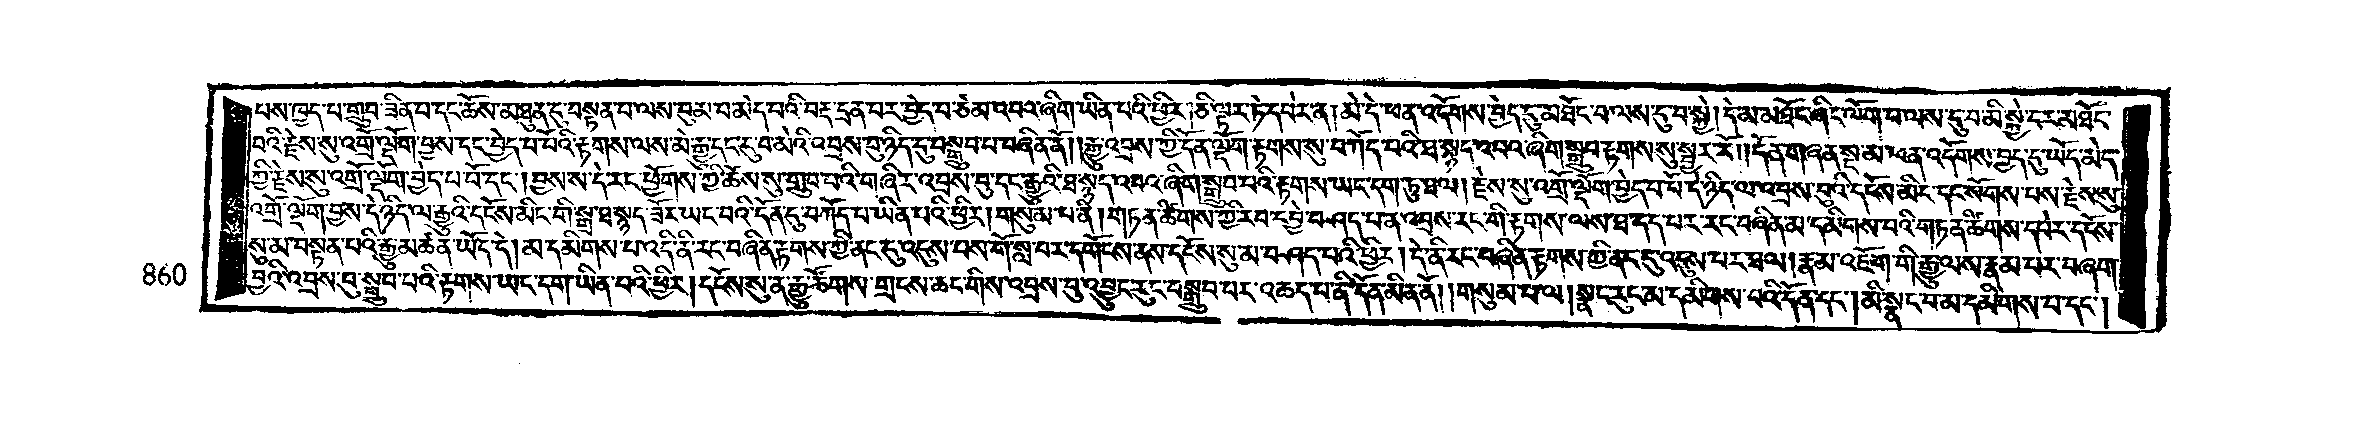པས་ཁྱབ་པ་གྲུབ་ཟིན་པ་དང་ཆོས་མཐུན་དུ་བསྟན་པ་ལས་བུམ་པ་མེད་པའི་བརྡ་དྲན་པར་བྱེད་པ་ཙམ་འབའ་ཞིག་ཡིན་པའི་ཕྱིར། ཅི་ལྟར་ཏེ་དཔེར་ན། མེ་དེ་ཕན་འདོགས་བྱེད་དུ་མཐོང་བ་ལས་དུ་བ་སྐྱེ། དེ་མ་མཐོང་ཞིང་ལོག་པ་ལས་དུ་བ་མི་སྐྱེ་བར་མཐོང་
བའི་རྗེས་སུ་འགྲོ་ལྡོག་བྱས་དང་བྱེད་པ་པོའི་རྟགས་ལས་མེ་རྒྱུ་དང་དུ་བ་མེའི་འབྲས་བུ་ཉིད་དུ་བསྒྲུབ་པ་བཞིན་ནོ། །རྒྱུ་འབྲས་ཀྱི་དོན་ལྡོག་རྟགས་སུ་བཀོད་པའི་ཐ་སྙད་འབའ་ཞིག་སྒྲུབ་རྟགས་སུ་སྦྱར་རོ། །དོན་གཞན་སྔ་མ་ཕན་འདོགས་བྱད་དུ་ཡོད་མེད་
ཀྱི་རྗེས་སུ་འགྲོ་ལྡོག་བྱེད་པ་པོ་དང་། བྱས་ས་དེ་རང་ཕྱོགས་ཀྱི་ཆོས་སུ་གྲུབ་པའི་གཞིར་འབྲས་བུ་དང་རྒྱུའི་ཐ་སྙད་འབའ་ཞིག་སྒྲུབ་པའི་རྟགས་ཡང་དག་ཏུ་ཐལ། རྗེས་སུ་འགྲོ་ལྡོག་བྱེད་པ་པོ་དེ་ཉིད་ལ་འབྲས་བུའི་དངོས་མིང་དང་སོགས་པས་རྗེས་སུ་
འགྲོ་ལྡོག་བྱས་དེ་ཉིད་ལ་རྒྱུའི་དངོས་མིང་གི་སྒྲ་ཐ་སྙད་ཟོར་ཡང་བའི་དོན་དུ་བཀོད་པ་ཡིན་པའི་ཕྱིར། གསུམ་པ་ནི། གཏན་ཚིགས་ཀྱི་རབ་དབྱེ་བཤད་པ་ན་འབྲས་རང་གི་རྟགས་ལས་ཐ་དད་པར་རང་བཞིན་མ་དམིགས་པའི་གཏན་ཚིགས་དཔེར་དངོས་
སུ་མ་བསྟན་པའི་རྒྱུ་མཚན་ཡོད་དེ། མ་དམིགས་པ་འདི་ནི་རང་བཞིན་རྟགས་ཀྱི་ནང་དུ་འདུས་པས་གོ་སླ་བར་དགོངས་ནས་དངོས་སུ་མ་བཤད་པའི་ཕྱིར། དེ་ནི་རང་བཞིན་རྟགས་ཀྱི་ནང་དུ་འདུས་པར་ཐལ། རྣམ་འཇོག་གི་རྒྱུ་ལས་རྣམ་པར་བཞག་
བྱའི་འབྲས་བུ་སྒྲུབ་པའི་རྟགས་ཡང་དག་ཡིན་པའི་ཕྱིར། དངོས་སུ་ན་རྒྱུ་ཚོགས་གྲངས་ཆང་གིས་འབྲས་བུ་འབྱུང་རུང་བསྒྲུབ་པར་འཆད་པ་ནི་དོན་མིན་ནོ། །གསུམ་པ་ལ། སྣང་རུང་མ་དམིགས་པའི་དོན་དང་། མི་སྣང་བ་མ་དམིགས་པ་དང་།